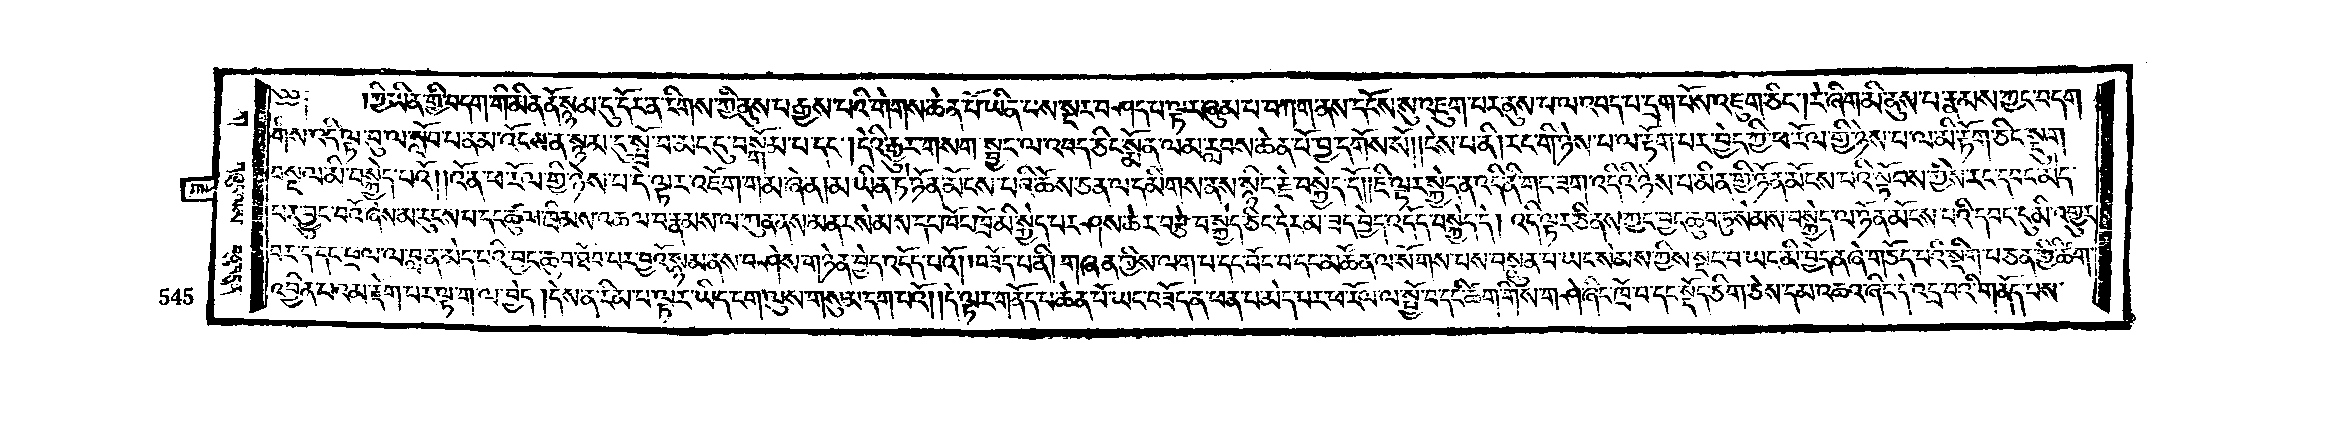༄༅། །ཀྱི་ཡིན་གྱི་བདག་གི་མིན་ནོ་སྙམ་དུ་དོར་ན་རིགས་ཀྱི་ནུས་པ་རྒྱས་པའི་གེགས་ཆེན་པོ་ཡིན་པས་སྔར་བཤད་པ་ལྟར་ཞུམ་པ་བཀག་ནས་དངོས་སུ་འཇུག་པར་ནུས་པ་ལ་འབད་པ་དྲག་པོས་འཇུག་ཅིང་། རེ་ཞིག་མི་ནུས་པ་རྣམས་ཀྱང་བདག་
གིས་འདི་ལྟ་བུ་ལ་སློབ་པ་ནམ་འོངས་ན་སྙམ་དུ་སྤྲོ་བ་མང་དུ་བསྒོམ་པ་དང་། དེའི་རྒྱུར་གསག་སྦྱང་ལ་འབད་ཅིང་སྨོན་ལམ་རླབས་ཆེན་པོ་བྱ་དགོས་སོ། །ངེས་པ་ནི། རང་གི་ཉེས་པ་ལ་རྟོག་པར་བྱེད་ཀྱི་ཕ་རོལ་གྱི་ཉེས་པ་ལ་མི་རྟོག་ཅིང་སྡུག་
བསྔལ་མི་བསྐྱེད་པའོ། །འོ་ན་ཕ་རོལ་གྱི་ཉེས་པ་དེ་ལྟར་འཇོག་གམ་ཞེ་ན། མ་ཡིན་ཏེ་ཉོན་མོངས་པའི་ཆོས་ཅན་ལ་དམིགས་ནས་སྙིང་རྗེ་བསྐྱེད་དོ། །ཇི་ལྟར་སྐྱེད་ན་འདི་ནི་གང་ཟག་འདིའི་ཉེས་པ་མིན་གྱི་ཉོན་མོངས་པའི་སྟོབས་ཀྱིས་རང་དབང་མེད་
པར་བྱུང་བའོ་ཞེས་མ་རུངས་པ་དང་ཚུལ་ཁྲིམས་འཆལ་བ་རྣམས་ལ་ཀུན་ནས་མནར་སེམས་དང་ཁོང་ཁྲོ་མི་སྐྱེད་པར་ཤས་ཆེར་བརྩེ་བ་སྐྱེད་ཅིང་དེར་མ་ཟད་བྱེད་འདོད་བསྐྱེད་དེ། འདི་ལྟར་ཅི་ནས་ཀྱང་བྱང་ཆུབ་ཏུ་སེམས་བསྐྱེད་ལ་ཉོན་མོངས་པའི་དབང་དུ་མི་འགྱུར་
བར་དེ་དང་ཕྲལ་ལ་བླ་ན་མེད་པའི་བྱང་ཆུབ་ཐོབ་པར་བྱའོ་སྙམ་ནས་བཤེས་གཉེན་བྱེད་འདོད་པའོ། །བཟོད་པ་ནི། གཞན་གྱིས་ལག་པ་དང་བོང་བ་དང་མཚོན་ལ་སོགས་པས་བསྣུན་པ་ཡང་སེམས་ཀྱིས་སྡང་བ་ཡང་མི་བྱེད་ན་ཞེ་གཅོད་པའི་སྡིག་པ་ཅན་གྱི་ཚིག་
འབྱིན་པའམ་རྗོག་པར་ལྟ་ག་ལ་བྱེད་།དེས་ན་རིམ་པ་ལྟར་ཡིད་ངག་ལུས་གསུམ་དག་པའོ། །དེ་ལྟར་གནོད་པ་ཆེན་པོ་ཡང་བཟོད་ན་ཕན་པ་མེད་པར་ཕ་རོལ་ལ་སྤྱོ་བ་དང་ཚིག་གིས་གཤེ་ཞིང་ཁྲོ་བ་དང་སྡོད་ཅིག་ཅེས་དམ་འཆའ་ཞིང་དེ་འདྲ་བའི་གནོད་པས་